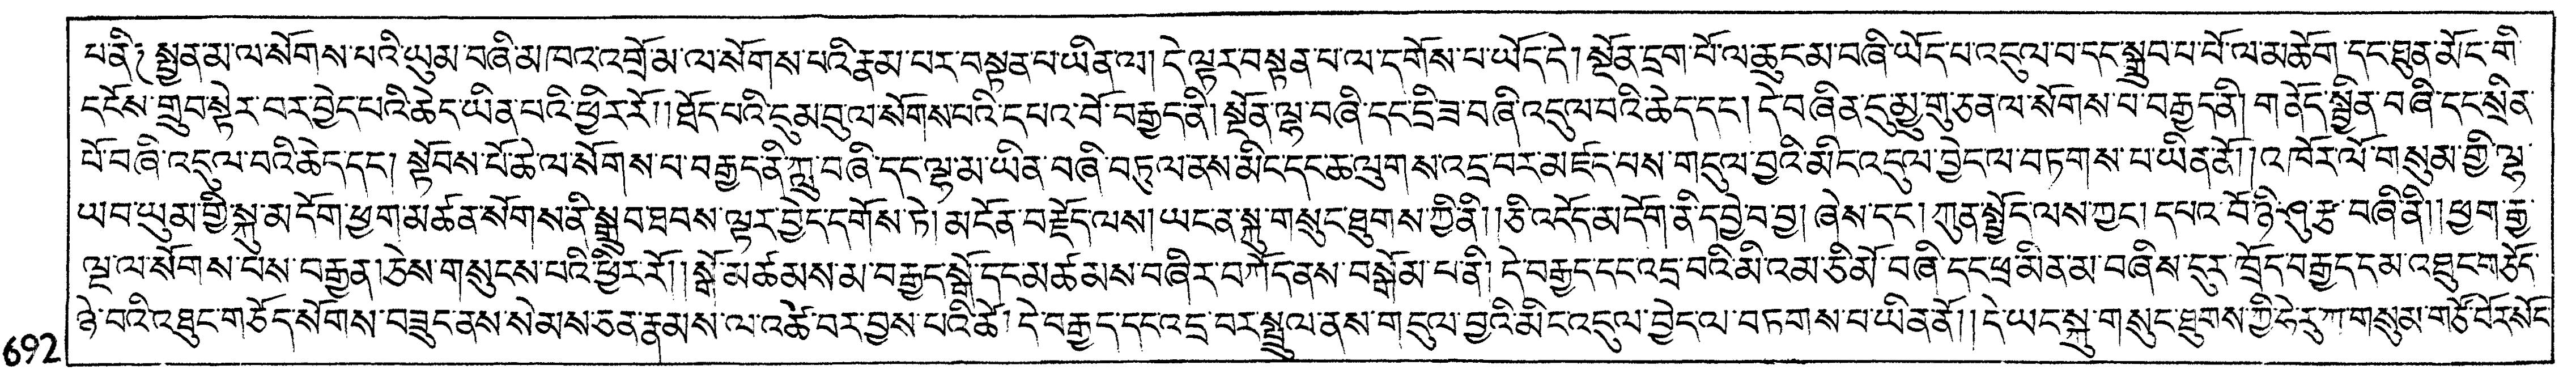པ་ནི༑ སྤྱན་མ་ལ་སོགས་པའི་ཡུམ་བཞི་མཁའ་འགྲོ་མ་ལ་སོགས་པའི་རྣམ་པར་བསྟན་པ་ཡིན་ལ། དེ་ལྟར་བསྟན་པ་ལ་དགོས་པ་ཡོད་དེ། སྔོན་དྲག་པོ་ལ་ཆུང་མ་བཞི་ཡོད་པ་འདུལ་བ་དང་སྒྲུབ་པ་པོ་ལ་མཆོག་དང་ཐུན་མོང་གི་
དངོས་གྲུབ་སྟེར་བར་བྱེད་པའི་ཆེད་ཡིན་པའི་ཕྱིར་རོ། །ཐོད་པའི་དུམ་བུ་ལ་སོགས་པའི་དཔའ་བོ་བརྒྱད་ནི། སྔོན་ལྷ་བཞི་དང་དྲི་ཟ་བཞི་འདུལ་བའི་ཆེད་དང་། དེ་བཞིན་དུ་མྱུ་གུ་ཅན་ལ་སོགས་པ་བརྒྱད་ནི། གནོད་སྦྱིན་བཞི་དང་སྲིན་
པོ་བཞི་འདུལ་བའི་ཆེད་དང་། སྟོབས་པོ་ཆེ་ལ་སོགས་པ་བརྒྱད་ནི་ཀླུ་བཞི་དང་ལྷ་མ་ཡིན་བཞི་བཏུལ་ནས་མིང་དང་ཆ་ལུགས་འདྲ་བར་མཛད་པས་གདུལ་བྱའི་མིང་འདུལ་བྱེད་ལ་བཏགས་པ་ཡིན་ནོ། །འཁོར་ལོ་གསུམ་གྱི་ལྷ་
ཡབ་ཡུམ་གྱི་སྐུ་མདོག་ཕྱག་མཚན་སོགས་ནི་སྒྲུབ་ཐབས་ལྟར་བྱེད་དགོས་ཏེ། མངོན་བརྗོད་ལས། ཡང་ན་སྐུ་གསུང་ཐུགས་ཀྱི་ནི། །ཅི་འདོད་མདོག་ནི་དབྱེ་བ་བྱ། ཞེས་དང་། ཀུན་སྤྱོད་ལས་ཀྱང་། དཔའ་བོ་ཉི་ཤུ་རྩ་བཞི་ནི། །ཕྱག་རྒྱ་
ལྔ་ལ་སོགས་པས་བརྒྱན། ཅེས་གསུངས་པའི་ཕྱིར་རོ། །སྒོ་མཚམས་མ་བརྒྱད་སྒོ་དང་མཚམས་བཞིར་བཀོད་ནས་བསྒོམ་པ་ནི། དེ་བརྒྱད་དང་འདྲ་བའི་མི་འམ་ཅི་མོ་བཞི་དང་ཕྲ་མིན་མ་བཞིས་དུར་ཁྲོད་བརྒྱད་དམ་འཐུང་གཅོད་
ཉེ་བའི་འཐུང་གཅོད་སོགས་བཟུང་ནས་སེམས་ཅན་རྣམས་ལ་འཚེ་བར་བྱས་པའི་ཚེ། དེ་བརྒྱད་དང་འདྲ་བར་སྤྲུལ་ནས་གདུལ་བྱའི་མིང་འདུལ་བྱེད་ལ་བཏགས་པ་ཡིན་ནོ། །དེ་ཡང་སྐུ་གསུང་ཐུགས་ཀྱི་ཧེ་རུ་ཀ་གསུམ་གཙོ་བོར་སོང་